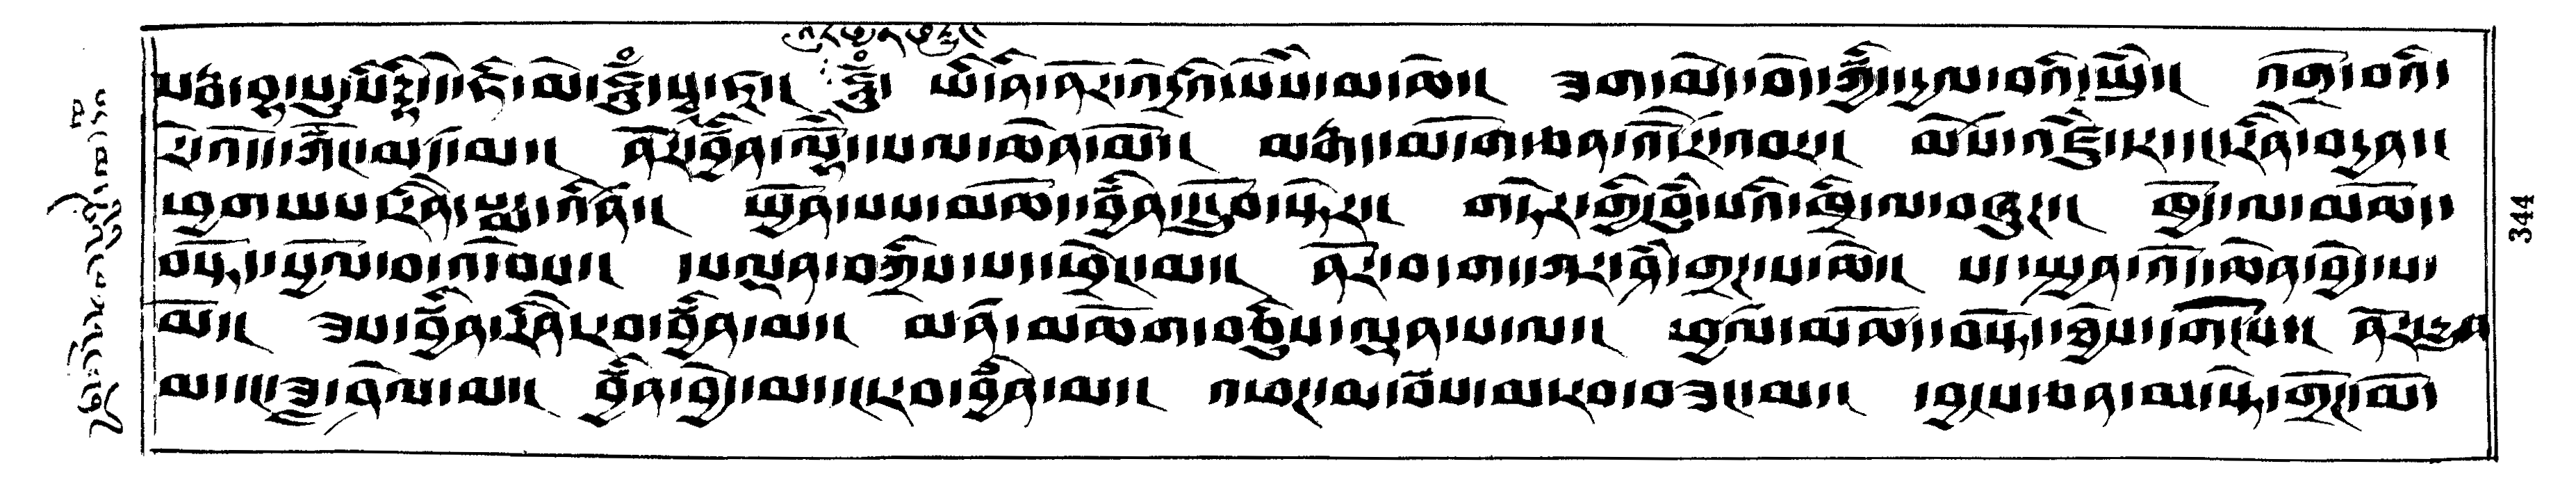སརྦ་བྷ་སུ་སིདྡྷི་དེ་ཧི་མེ་ཧཱུྃ་སྭ་ཧཱ། ཧཱུྃ། ཡི་བཞིན་ནོར་འདྲའི་སེམས་མ་ཆེ། ཟག་མེད་བདེ་བསྐྱེད་རྒྱལ་བའི་ཡུམ། །འགྲོ་བའི་
རེ་འདོད་སྐོང་མཛད་མ། །ནོར་སྦྱིན་ལྷ་མོ་དཔལ་ཆེན་མོ། །མརྒད་མདོག་ཅན་འོད་ཟེར་འབར། །མཛེས་འཛུམ་དར་དང་རིན་ཆེན་བརྒྱན། །
ཕྱག་གཡས་རིན་ཆེན་པདྨ་འཛིན། །གཡོན་པས་མཆོད་སྦྱིན་དངོས་གྲུབ་སྟེར། །གཏེར་གྱི་བུམ་པའི་ཁྲི་ལ་བཞུགས། །ཁྱོད་ལ་མཆོད་
བསྟོད་གསོལ་བ་འདེབས། །དཔལ་ལྡན་བཀྲ་ཤིས་པད་ཕྲེང་མ། །ནོར་བདག་དཀར་ཤམ་གྲགས་པ་ཆེ། །པད་སྤྱན་འོད་ཆེན་བྱེད་པ་
མོ། །ཟས་སྦྱིན་རིན་ཆེན་རབ་སྦྱིན་མ། །མཚན་མཆོག་བཅུ་གཉིས་ལྡན་པ་ལ། །ཕྱག་འཚལ་མཆོད་བསྟོད་ཐུགས་རྗེས་དགོངས། །ནོར་རྒྱུན་
མ་དང་ཟླ་ཤེལ་མ། །སྦྱིན་བྱེད་མ་དང་རབ་སྦྱིན་མ། །འཕགས་མ་སྦས་མ་རབ་བཟང་མ། །དབྱངས་ཅན་མ་སྟེ་གྲོགས་མོ་